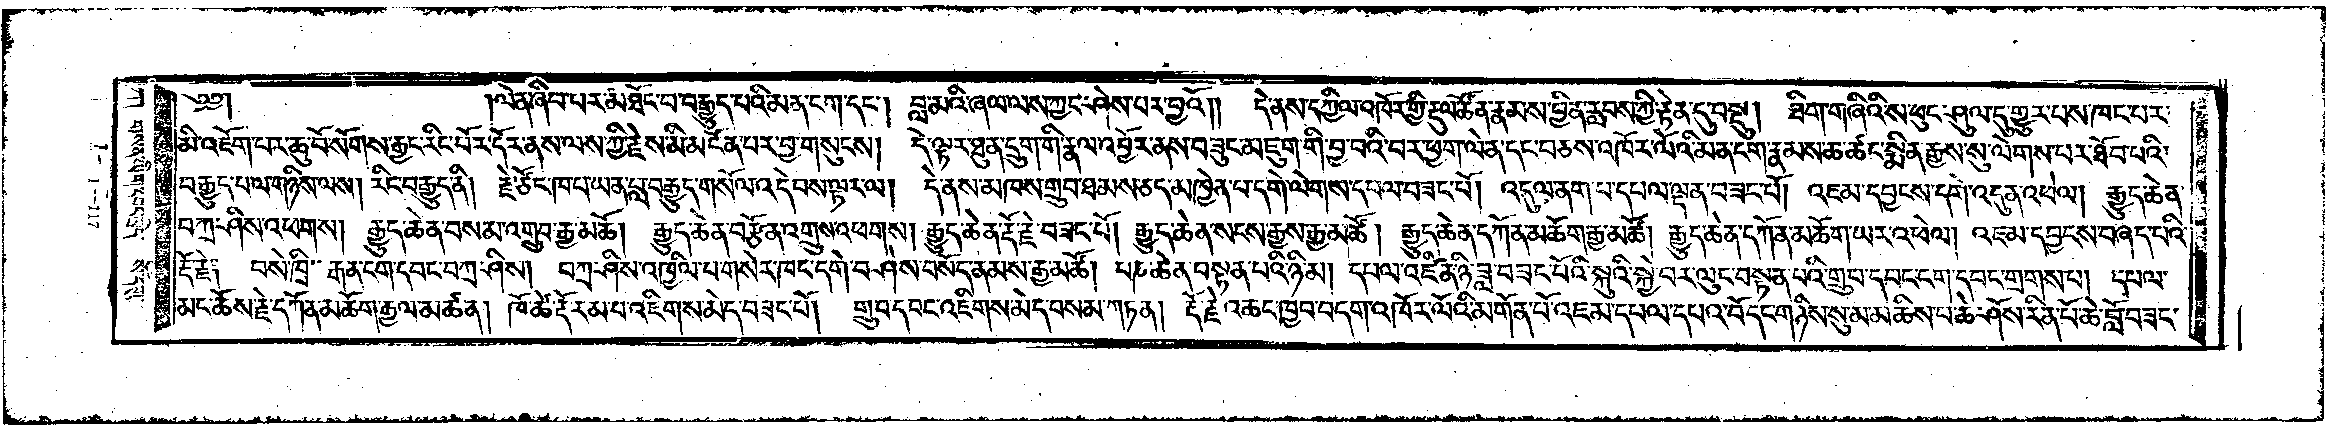༄༅། །ལེན་ཞིབ་པར་མཐོང་བ་བརྒྱུད་པའི་མན་ངག་དང་། བླ་མའི་ཞལ་ལས་ཀྱང་ཤེས་པར་བྱའོ། །དེ་ནས་དཀྱིལ་འཁོར་གྱི་རྡུལ་ཚོན་རྣམས་བྱིན་རླབས་ཀྱི་རྟེན་དུ་བསྡུ། ཐིག་གཞིའི་ས་ཕུང་ཤུལ་དུ་གྱུར་པས་ཁང་པར་
མི་འཇོག་པར་ཆུ་བོ་སོགས་རྒྱང་རིང་པོར་དོར་ནས་ལས་ཀྱི་རྗེས་མི་མངོན་པར་བྱ་གསུངས། དེ་ལྟར་ཐུན་དྲུག་གི་རྣལ་འབྱོར་ནས་བཟུང་མཇུག་གི་བྱ་བའི་བར་ཕྱག་ལེན་དང་བཅས་འཁོར་ལོའི་མན་ངག་རྣམས་ཆ་ཚང་སྨིན་རྒྱས་སུ་ལེགས་པར་ཐོབ་པའི་
བརྒྱུད་པ་ལ་གཉིས་ལས། རིང་བརྒྱུད་ནི། རྗེ་ཙོང་ཁ་པ་ཡན་བླ་བརྒྱུད་གསོལ་འདེབས་ལྟར་ལ། དེ་ནས་མཁས་གྲུབ་ཐམས་ཅད་མཁྱེན་པ་དགེ་ལེགས་དཔལ་བཟང་པོ། འདུལ་ནག་པ་དཔལ་ལྡན་བཟང་པོ། འཇམ་དབྱངས་དགེ་འདུན་འཕེལ། རྒྱུད་ཆེན་
བཀྲ་ཤིས་འཕགས། རྒྱུད་ཆེན་བསམ་འགྲུབ་རྒྱ་མཚོ། རྒྱུད་ཆེན་བརྩོན་འགྲུས་འཕགས། རྒྱུད་ཆེན་རྡོ་རྗེ་བཟང་པོ། རྒྱུད་ཆེན་སངས་རྒྱས་རྒྱ་མཚོ། རྒྱུད་ཆེན་དཀོན་མཆོག་རྒྱ་མཚོ། རྒྱུད་ཆེན་དཀོན་མཆོག་ཡར་འཕེལ། འཇམ་དབྱངས་བཞད་པའི་
རྡོ་རྗེ༑ བསེ་ཁྲི་རྒན་ངག་དབང་བཀྲ་ཤིས། བཀྲ་ཤིས་འཁྱིལ་པ་གསེར་ཁང་དགེ་བཤེས་བསོད་ནམས་རྒྱ་མཚོ། པཎ་ཆེན་བསྟན་པའི་ཉི་མ། དཔལ་འཛིན་ཉི་ཟླ་བཟང་པོའི་སྐུའི་སྐྱེ་བར་ལུང་བསྟན་པའི་གྲུབ་དབང་ངག་དབང་གྲགས་པ། དཔལ་
མང་ཆོས་རྗེ་དཀོན་མཆོག་རྒྱལ་མཚན། ཁོ་ཚེ་རྡོ་རམ་པ་འཇིགས་མེད་བཟང་པོ། གྲུབ་དབང་འཇིགས་མེད་བསམ་གཏན། རྡོ་རྗེ་འཆང་ཁྱབ་བདག་འཁོར་ལོའི་མགོན་པོ་འཇམ་དཔལ་དཔའ་བོ་དང་གཉིས་སུམ་མཆིས་པ་ཆེ་ཤོས་རིན་པོ་ཆེ་བློ་བཟང་